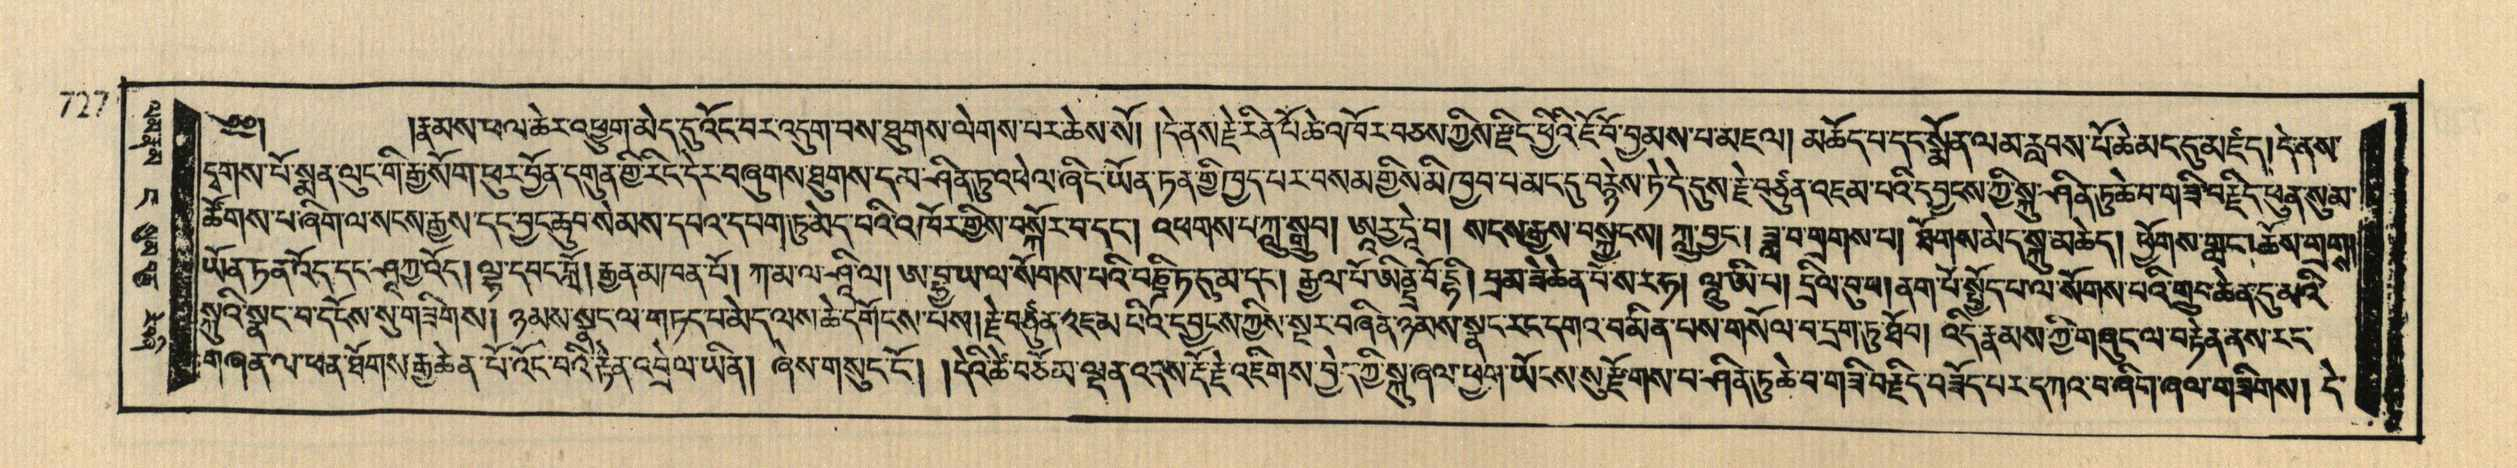༄༅། །རྣམས་ཕལ་ཆེར་འཕྱུག་མེད་དུ་འོང་བར་འདུག་བས་ཐུགས་ལེགས་པར་ཆེས་སོ། །དེ་ནས་རྗེ་རིན་པོ་ཆེ་འཁོར་བཅས་ཀྱིས་རྫིང་ཕྱིའི་ཇོ་བོ་བྱམས་པ་མཇལ། མཆོད་པ་དང་སྨོན་ལམ་རླབས་པོ་ཆེ་མང་དུ་མཛད། དེ་ནས་
དྭགས་པོ་སྨན་ལུང་གི་རྒྱ་སོག་ཕུར་བྱོན་དགུན་གྱི་རིང་དེར་བཞུགས་ཐུགས་དམ་ཤིན་ཏུ་འཕེལ་ཞིང་ཡོན་ཏན་གྱི་ཁྱད་པར་བསམ་གྱིས་མི་ཁྱབ་པ་མང་དུ་བརྙེས་ཏེ་དེ་དུས་རྗེ་བཙུན་འཇམ་པའི་དབྱངས་ཀྱི་སྐུ་ཤིན་ཏུ་ཆེ་བ་གཟི་བརྗིད་ཕུན་སུམ་
ཚོགས་པ་ཞིག་ལ་སངས་རྒྱས་དང་བྱང་ཆུབ་སེམས་དཔའ་དཔག་ཏུ་མེད་པའི་འཁོར་གྱིས་བསྐོར་བ་དང་། འཕགས་པ་ཀླུ་སྒྲུབ། ཨཱརྱ་དE་བ། སངས་རྒྱས་བསྐྱངས། ཀླུ་བྱང་། ཟླ་བ་གྲགས་པ། ཐོགས་མེད་སྐུ་མཆེད། ཕྱོགས་གླང་། ཆོས་གྲགས།
ཡོན་ཏན་འོད་དང་ཤཱཀྱ་འོད། ལྷ་དབང་བློ། རྒྱན་མཁན་པོ། ཀ་མ་ལ་ཤཱི་ལ། ཨ་བྷྱ་ཡ་ལ་སོགས་པའི་པཎྜི་ཏ་དུ་མ་དང་། རྒྱལ་པོ་ཨིནྡྲ་བོ་དྷི། བྲམ་ཟེ་ཆེན་པོ་ས་ར་ཧ། ལཱུ་ཨི་པ། དྲིལ་བུ་པ། ནག་པོ་སྤྱོད་པ་ལ་སོགས་པའི་གྲུབ་ཆེན་དུ་མའི་
སྐུའི་སྣང་བ་དངོས་སུ་གཟིགས། ཉམས་སྣང་ལ་གཏང་པ་མེད་ལས་ཆེ་དགོངས་པས། རྗེ་བཙུན་འཇམ་པའི་དབྱངས་ཀྱིས་སྔར་བཞིན་ཉམས་སྣང་རང་དགའ་བ་མིན་པས་གསོལ་བ་དྲག་ཏུ་ཐོབ། འདི་རྣམས་ཀྱི་གཞུང་ལ་བརྟེན་ནས་རང་
གཞན་ལ་ཕན་ཐོགས་རྒྱ་ཆེན་པོ་འོང་བའི་རྟེན་འབྲེལ་ཡིན། ཞེས་གསུང་ངོ། །དེའི་ཚེ་བཅོམ་ལྡན་འདས་རྡོ་རྗེ་འཇིགས་བྱེད་ཀྱི་སྐུ་ཞལ་ཕྱག་ཡོངས་སུ་རྫོགས་བ་ཤིན་ཏུ་ཆེ་བ་གཟི་བརྗིད་བཟོད་པར་དཀའ་བ་ཞིག་ཞལ་གཟིགས། དེ་